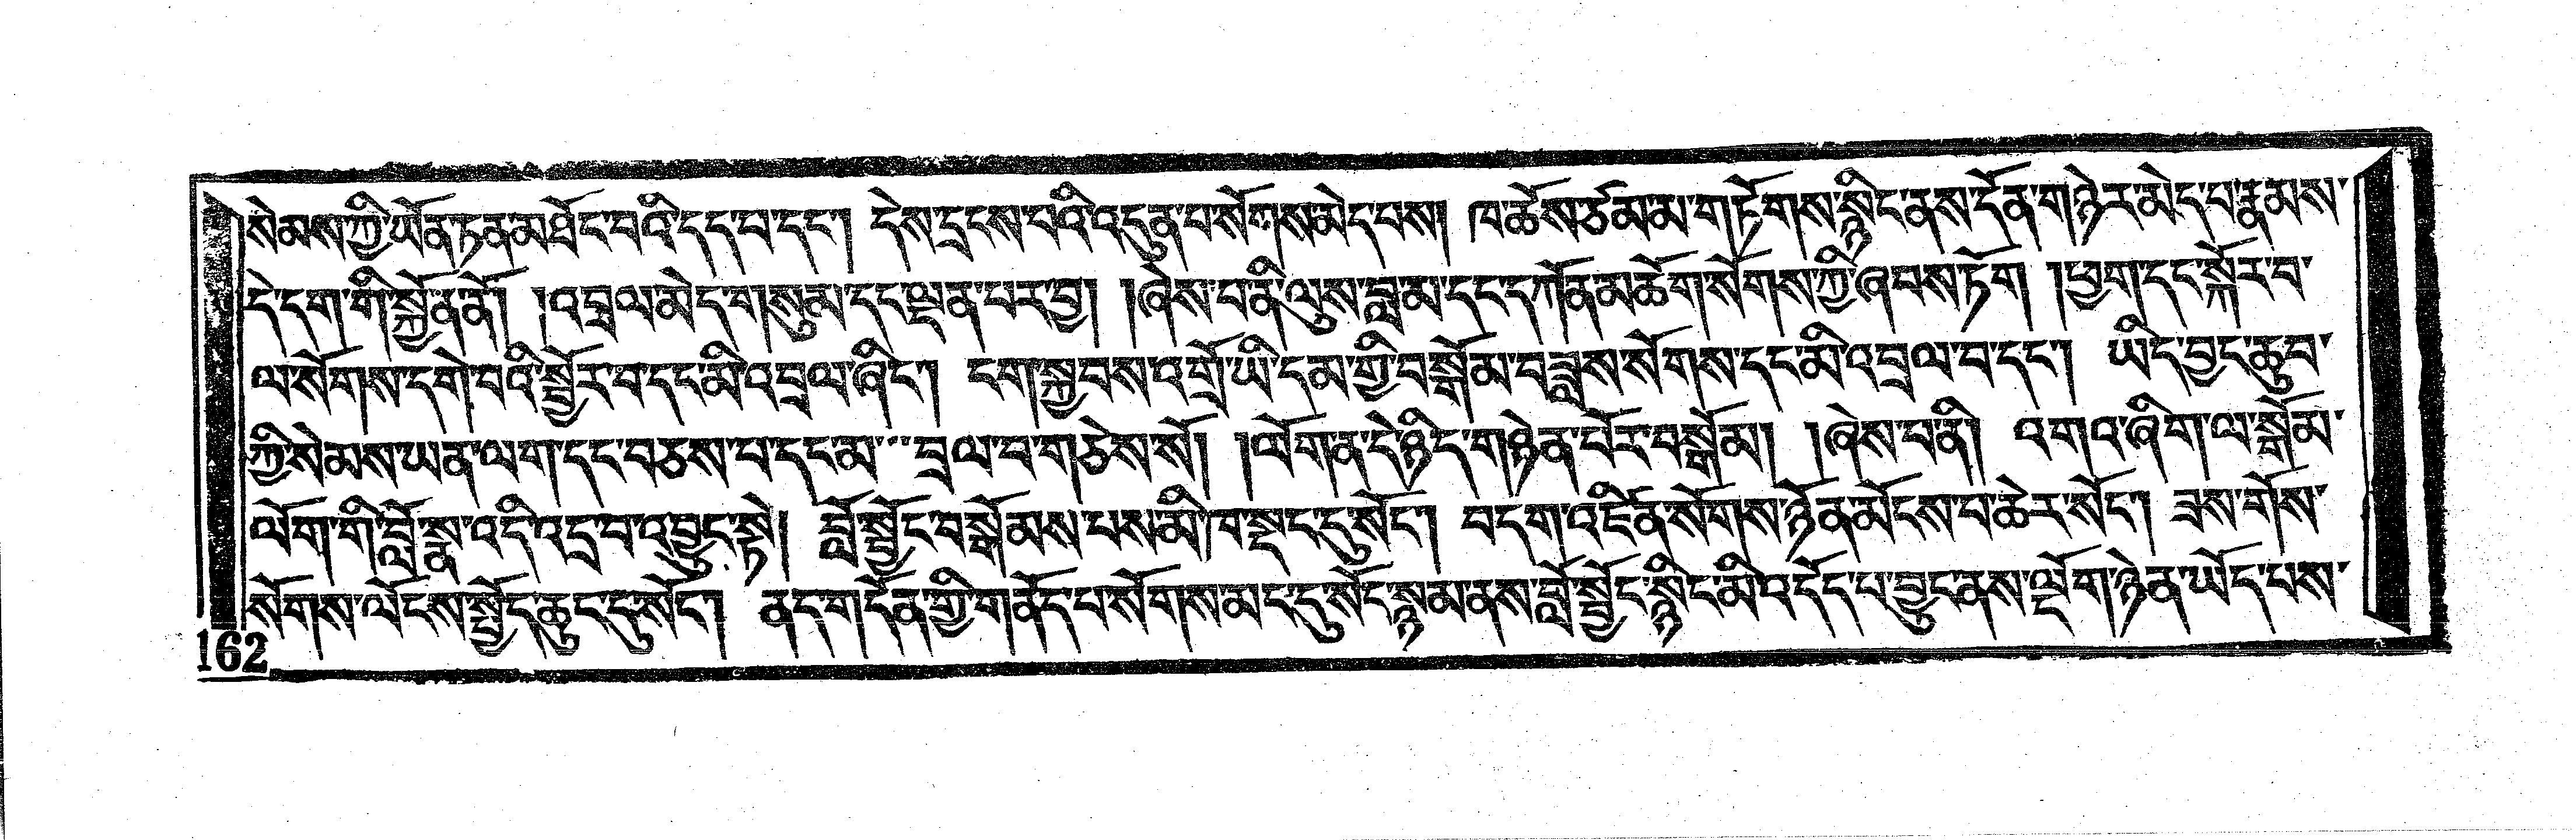སེམས་ཀྱི་ཡོན་ཏན་མཐོང་བའི་དད་པ་དང་། དེས་དྲངས་པའི་འདུན་པ་སོགས་མེད་པས། ཁ་ཆོས་ཙམ་མ་གཏོགས་སྙིང་ནས་དོན་གཉེར་མེད་པ་རྣམས་
དེ་དག་གི་སྐྱོན་ནོ། །འབྲལ་མེད་གསུམ་དང་ལྡན་པར་བྱ། །ཞེས་པ་ནི་ལུས་བླ་མ་དང་དཀོན་མཆོག་སོགས་ཀྱི་ཞབས་ཏོག །ཕྱག་དང་སྐོར་བ་
ལ་སོགས་དགེ་བའི་སྦྱོར་བ་དང་མི་འབྲལ་ཞིང་། ངག་སྐྱབས་འགྲོ་ཡི་དམ་གྱི་བསྒོམ་བཟླས་སོགས་དང་མི་འབྲལ་བ་དང་། ཡིད་བྱང་ཆུབ་
ཀྱི་སེམས་ཡན་ལག་དང་བཅས་པ་དང་མ་བྲལ་བ་གཅེས་སོ། །ལོག་ན་དེ་ཉིད་གཉེན་པོར་བསྒོམ། །ཞེས་པ་ནི། འགའ་ཞིག་ལ་སྒོམ་
ལོག་གི་བློ་སྣ་འདི་འདྲ་བ་འབྱུང་སྟེ། བློ་སྦྱོང་བསྒོམས་པས་མི་ཁ་སྡང་དུ་སོང་། བདག་འཛིན་སོགས་ཉོན་མོངས་པ་ཆེར་སོང་། ཟས་གོས་
སོགས་ལོངས་སྤྱོད་ཆུང་དུ་སོང་། ནད་གདོན་གྱི་གནོད་པ་སོགས་མང་དུ་སོང་སྙམ་ནས་བློ་སྦྱོང་སྙིང་མི་འདོད་པ་བྱུང་ནས་ལྡོག་ཉེན་ཡོད་པས་